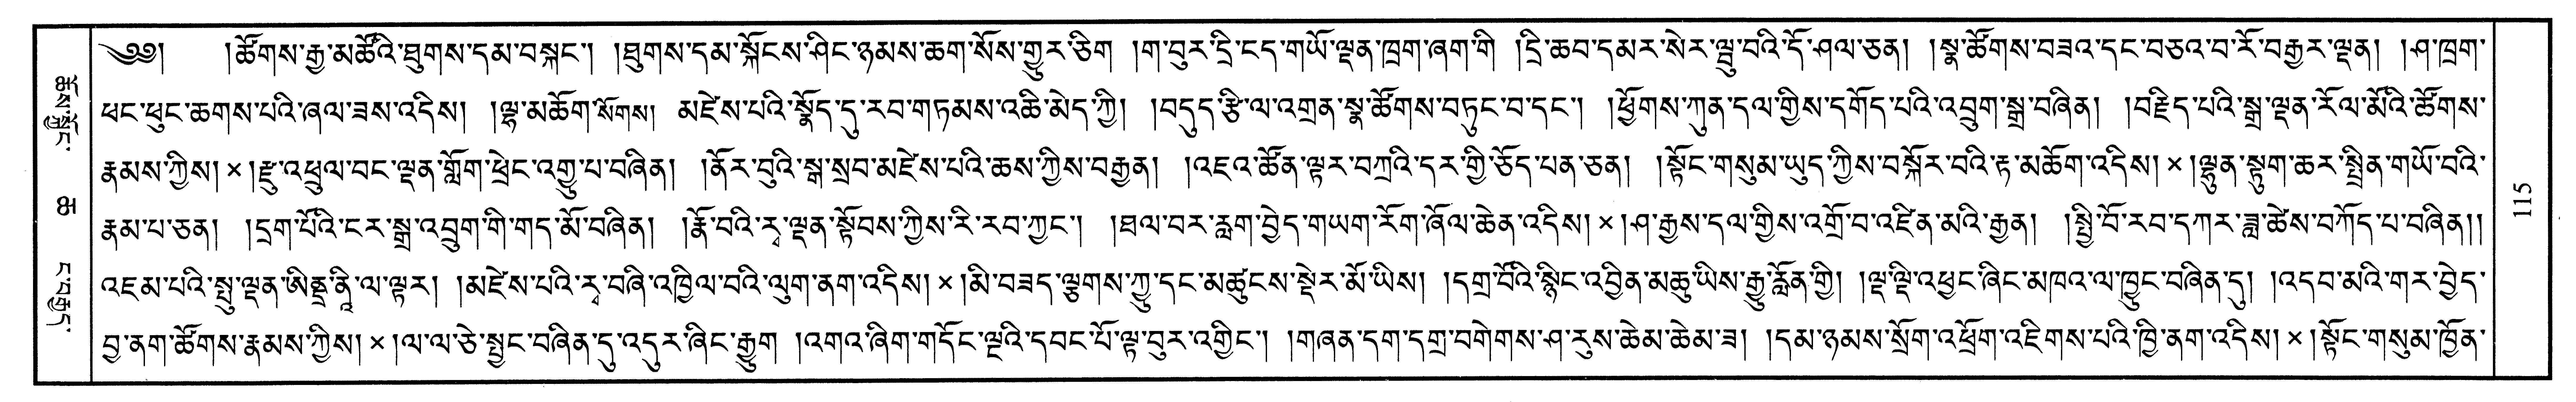༄༅། །ཚོགས་རྒྱ་མཚོའི་ཐུགས་དམ་བསྐང་། །ཐུགས་དམ་སྐོངས་ཤིང་ཉམས་ཆག་སོས་གྱུར་ཅིག །ག་བུར་དྲི་ངད་གཡོ་ལྡན་ཁྲག་ཞག་གི །དྲི་ཆབ་དམར་སེར་ལྦུ་བའི་དོ་ཤལ་ཅན། །སྣ་ཚོགས་བཟའ་དང་བཅའ་བ་རོ་བརྒྱར་ལྡན། །ཤ་ཁྲག་
ཕང་ཕུང་ཆགས་པའི་ཞལ་ཟས་འདིས། །ལྷ་མཆོག་སོགས། མཛེས་པའི་སྣོད་དུ་རབ་གཏམས་འཆི་མེད་ཀྱི། །བདུད་རྩི་ལ་འགྲན་སྣ་ཚོགས་བཏུང་བ་དང་། །ཕྱོགས་ཀུན་དལ་གྱིས་དགོད་པའི་འབྲུག་སྒྲ་བཞིན། །བརྗིད་པའི་སྒྲ་ལྡན་རོལ་མོའི་ཚོགས་
རྣམས་ཀྱིས། ྾་།རྫུ་འཕྲུལ་བང་ལྡན་གློག་ཕྲེང་འགྱུ་པ་བཞིན། །ནོར་བུའི་སྒ་སྲབ་མཛེས་པའི་ཆས་ཀྱིས་བརྒྱན། །འཇའ་ཚོན་ལྟར་བཀྲའི་དར་གྱི་ཅོད་པན་ཅན། །སྟོང་གསུམ་ཡུད་ཀྱིས་བསྐོར་བའི་རྟ་མཆོག་འདིས། ྾་།ལྷུན་སྟུག་ཆར་སྤྲིན་གཡོ་བའི་
རྣམ་པ་ཅན། །དྲག་པོའི་ངར་སྒྲ་འབྲུག་གི་གད་མོ་བཞིན། །རྣོ་བའི་རྭ་ལྡན་སྟོབས་ཀྱིས་རི་རབ་ཀྱང་། །ཐལ་བར་རླག་བྱེད་གཡག་རོག་ཞོལ་ཆེན་འདིས། ྾་།ཤ་རྒྱས་དལ་གྱིས་འགྲོ་བ་འཛིན་མའི་རྒྱན། །སྤྱི་བོ་རབ་དཀར་ཟླ་ཚེས་བཀོད་པ་བཞིན།།
འཇམ་པའི་སྤུ་ལྡན་ཨིནྡྲ་ནཱི་ལ་ལྟར། །མཛེས་པའི་རྭ་བཞི་འཁྱིལ་བའི་ལུག་ནག་འདིས། ྾་།མི་བཟད་ལྕགས་ཀྱུ་དང་མཚུངས་སྡེར་མོ་ཡིས། །དགྲ་བོའི་སྙིང་འབྱིན་མཆུ་ཡིས་རྒྱུ་རློན་གྱི། །ལྡ་ལྡི་འཕྱང་ཞིང་མཁའ་ལ་ཁྱུང་བཞིན་དུ། །འདབ་མའི་གར་བྱེད་
བྱ་ནག་ཚོགས་རྣམས་ཀྱིས། ྾་།ལ་ལ་ཅེ་སྤྱང་བཞིན་དུ་འདུར་ཞིང་རྒྱུག །འགའ་ཞིག་གདོང་ལྔའི་དབང་པོ་ལྟ་བུར་འགྱིང་། །གཞན་དག་དགྲ་བགེགས་ཤ་རུས་ཆེམ་ཆེམ་ཟ། །དམ་ཉམས་སྲོག་འཕྲོག་འཇིགས་པའི་ཁྱི་ནག་འདིས། ྾་།སྟོང་གསུམ་ཁྱོན་